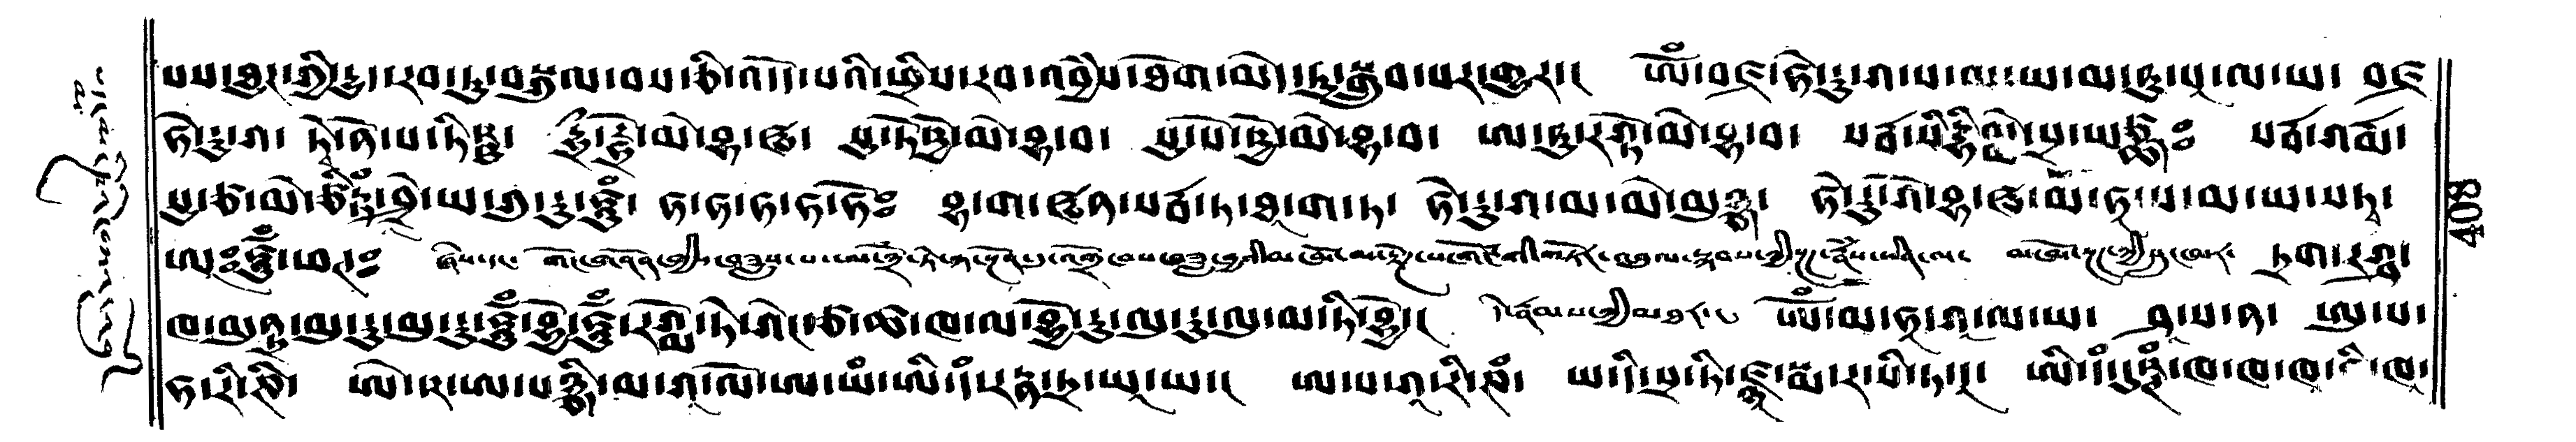པས་ཐུགས་ཀྱི་རྒྱུད་རབ་ཏུ་བསྐུལ་བས་ཅི་འདོད་པའི་ཕྲིན་ལས་རབ་འབྱམས་ཐོགས་མེད་ཏུ་སྒྲུབ་པར་གྱུར། ཨོཾ་བཛྲ་ཧེ་རུ་ཀ་ས་མ་ཡ་མ་ནུ་པཱ་ལ་ཡཿ བཛྲ་
ཧེ་རུ་ཀཿཏྭེ་ནོ་པ་ཏིཥྛཿ དྷྲྀ་དྷྲོ་མེ་བྷ་ཝཿ སུ་ཏོརྱོ་མེ་བྷ་བཿ སུ་པོ་རྱོ་མེ་བྷ་བཿ ཨ་ནུ་རཀྟོ་མེ་བྷ་བཿ སརྦ་སིདྡྷི་མྨེ་པྲ་ཡཙྪཿ སརྦ་ཀརྨ་
སུ་ཙ་མེ་ཙིཏྟཾ་ཤྲཱེ་ཡ་ཀུ་རུ་ཧཱུྃཿ ཧ་ཧ་ཧ་ཧ་ཧོཿ བྷ་ག་ཝན་སརྦ་ཏ་ཐཱ་ག་ཏཿ ཧེ་རུ་ཀ་མ་མེ་མུཉྩཿ ཧེ་རུ་ཀ་བྷ་ཝ་མ་ཧཱ་ས་མ་ཡ་ས་ཏྭ་
ཨཱཿཧཱུྃ་ཕཊཿ ཅེས་དང་། གོང་གནོན་གྱི་བཟླས་པ་ཨ་ཀྲོ་ཏེ་ཀ་སྔོན་དུ་འགྲོ་བས་བཟླ་བྱའི་མ་མོ་མ་གཏོགས་པ་གོང་གི་གཏོར་འབུལ་སྐབས་ཀྱི་སྔགས་རྣམས་ཡིན་ལ། མ་མོ་སྔགས་ཀྱི་སྲུང་མར། ཏྲག་རཀྴ་
ཁ་མནྟྲ་མུ་རུ་མུ་རུ་ཧཱུྃ་བྷྱོ་ཧཱུྃ་རཀྨོ་ཏེ་ཀེང་ཙ་ཚ་ཁ་ལ་བྷྱོ་རུ་ལུ་རུ་ལུ་མ་ཏི་བྷྱོཿ དེ་རྣམས་ཀྱི་མཐར། ཨོཾ་མ་ཧཱ་ཀཱ་ལ་ཡཿ ཤཱ་ས་ནཿ ཨུ་པ་
ཧ་རི་ཎིཿ ཨེ་ར་ཨ་པཉྩི་མ་ཀཱ་ལོ་ཨ་ཡཾ་ཨི་དཾ་རཏྣ་ཏྲ་ཡཱ་ཡཿ ཨ་པ་ཀཱ་རི་ཎཾཿ ཡ་དི་པྲ་ཏི་ཛྙཱ་སྨ་ར་སི་ཏ་དཱཿ ཨི་དཾ་དུཥྛཾ་ཁ་ཁ་ཁཱ་ཧི་ཁཱ་